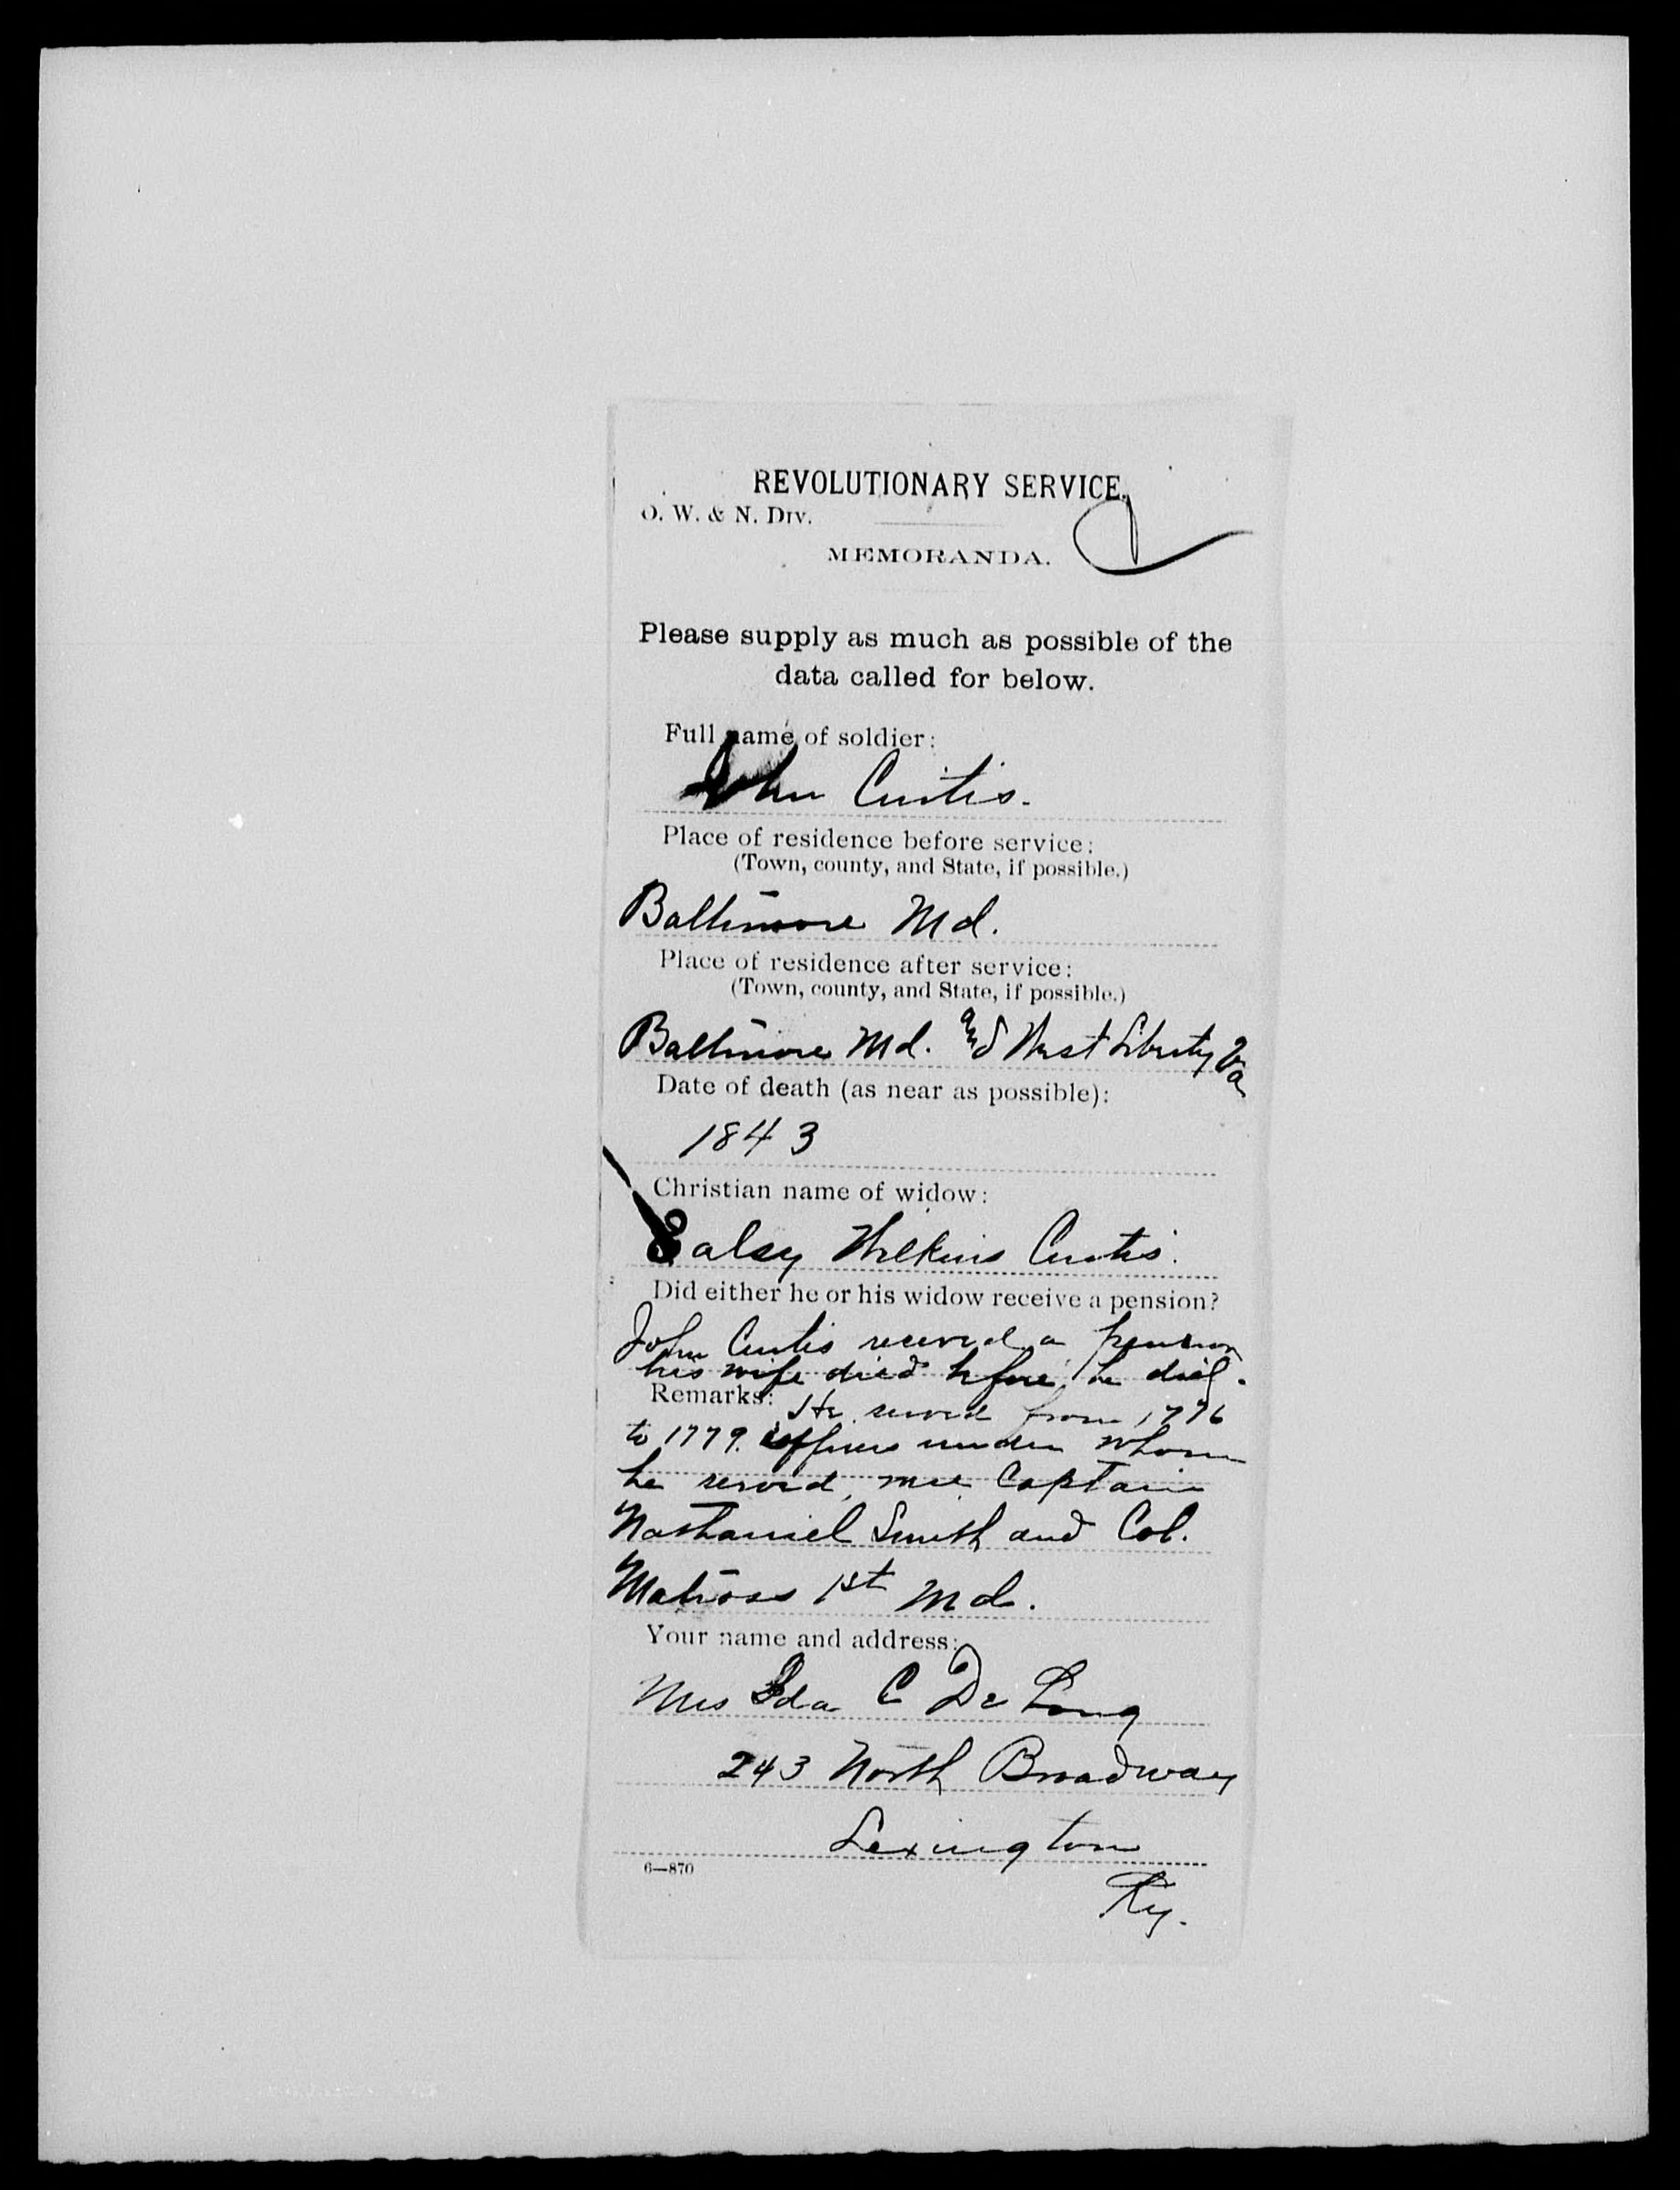REVOLUTIONARY SERVICE
O. W. & N. Div.
MEMORANDA.

Please supply as much as possible of the data called for below.
Full name of soldier:  John Curtis
Place of residence before service: (Town, county, and State, if possible.)  Baltimore Md
Place of residence after service: (Town, county, and State, if possible.) Baltimore Md. and West Liberty
Date of death (as near as possible):  1843
Christian name of widow:  Ealsy Wilkins Curtis
Did either he or his widow receive a pension?  John Curtis receved a pension his wife died before he died.
Remarks: He served from 1776 to 1779. officers under whom
he served see Captain Nathaniel Smith and Col. Matross 1st Md.
Your name and address:  Mrs Ida C DeLong  243 North Broadway  Lexington Ky. 

6 -- 870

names: John Curtis, Ida C De Long, John Curtis, Nathaniel Smith, Matross, Ealsy Curtis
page: 12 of 26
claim: survivor's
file: S. 34,725, John Curtis, Md.